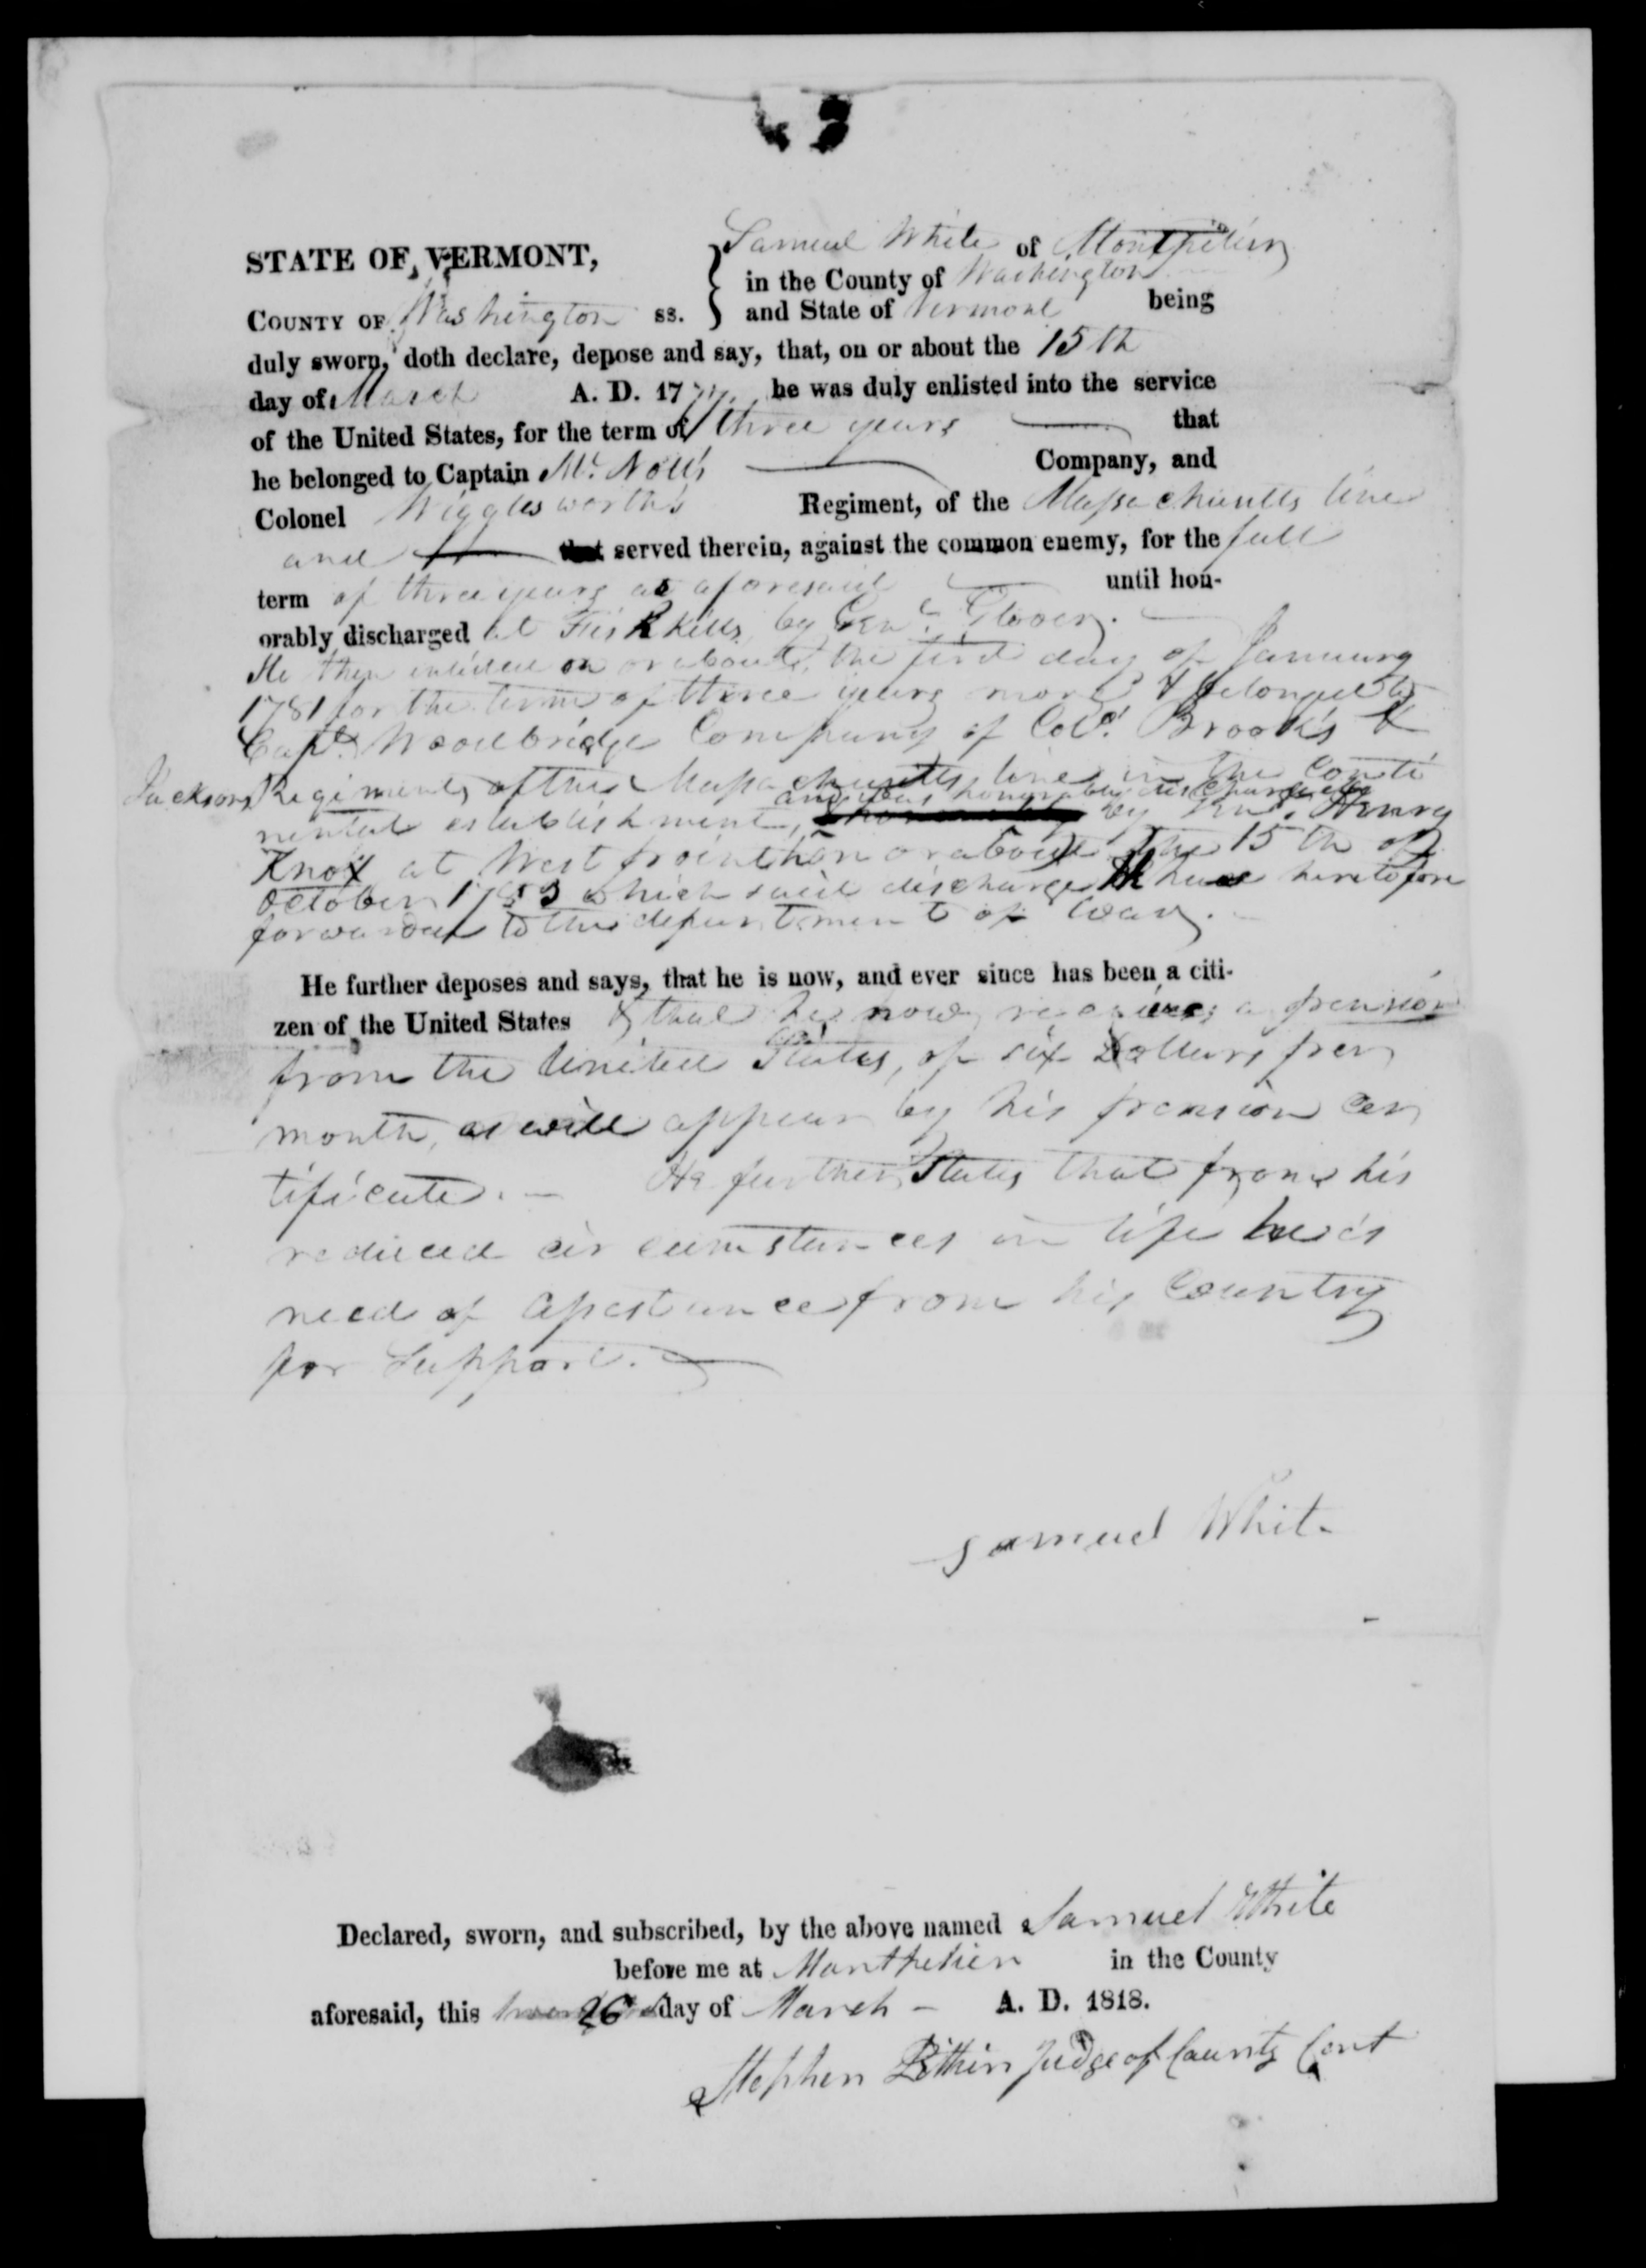State of Vermont,
County of Washington ss.
Samuel White of Montpelier in the County of Washington being duly sworn, doth declare, depose and say, that, on or about the 15th day of March A. D. 1777, he was duly enlisted into the service of the United States for the term of three years, that be belonged to Captain McNoll's Company, and Colonel Wigglesworth's Regiment, of the Massachusetts line and served therein, against the common enemy, for the full term of three years as aforesaid until honorably discharged at Fishkills by Genl. Glover.
He then enlisted on or about the first day of January 1781 for the term of three years more & belong to Captain Woodbridge Company of Col. Brooks & Jacksons Regiments of the Massachusetts line in the Continental establishment^ and was honorably discharge by Genl. Henry Knox at West point on or about the 15th of October 1782 which said discharge I heretofore forward to this department of War.
He further deposes and says, the he is now, and ever since has been a citizen of the United States & that he now receives a pension of six Dollars per month as will appear by his pension certificate. He further states that from his reduced circumstances in life he is need of assistance from his country for support.
Samuel White

Declared, sworn, and subscribed by the above named Samuel White before me at  Montpelier in the County aforesaid, this 26 day of Mach A. D. 1818.
Stephen Pitkin Judge of County Court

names: Glover, Samuel White, Stephen Pitkin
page: 4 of 79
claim: survivor's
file: S. 11759, Samuel White, Mass.